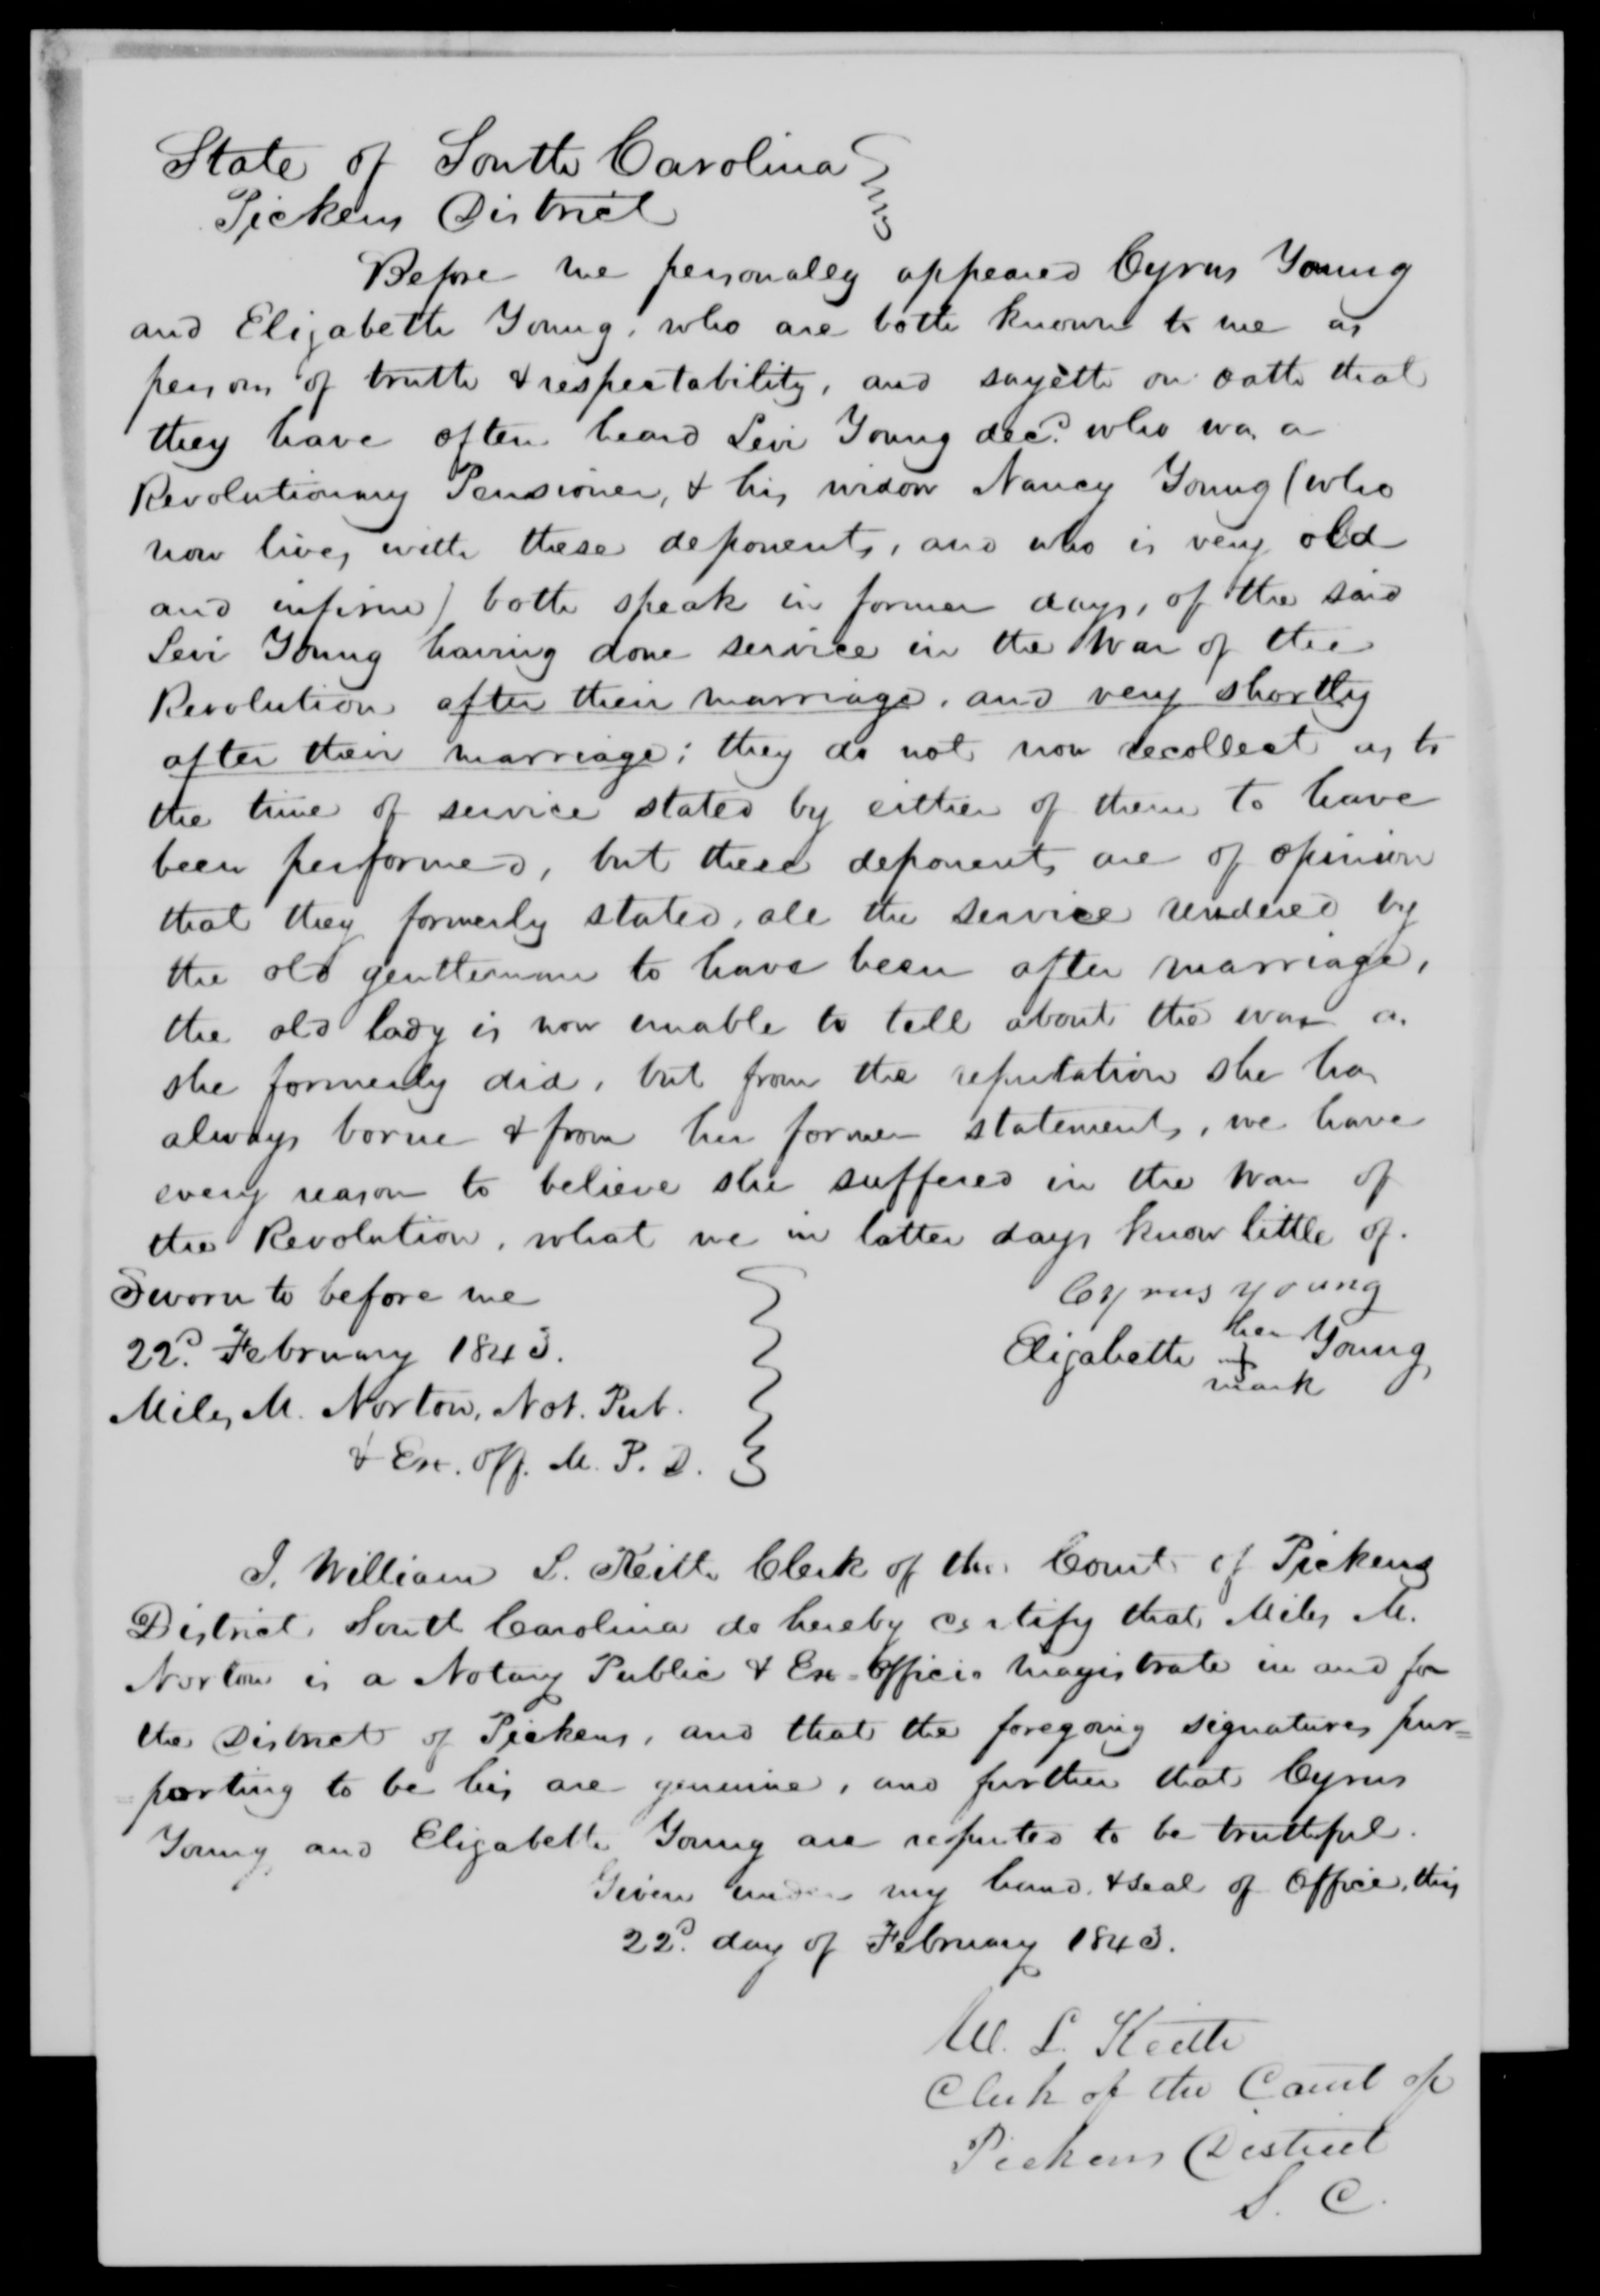State of South Carolina {
Pickens District {
Before me personally appeared Cyrus Young
and Elizabeth Young, who are both known to me as
persons of truth + respectability, and sayeth on oath that
they have often heard Levi Young decd (sic deceased) who was a
Revolutionary Pensioner, + his widow Nancy Young (who
now lives with these deponents, and who is very old
and infirm) both speak in former days, ofthe said
Levy Young having done service in the war of the
Revolution after their marriage, and very shortly
after their marriage; they do not now recollect as to
the time of service stated by either of them to have
been performed, but these deponents are of opinion
that they formerly stated, all the service rendered by
the old gentleman to have been after marriage,
the old lady is now unable to tell about the war as
she formerly did, but from the reputation she has
always borne + from her former statements, we have
every reason to believe she suffered in the war of
the Revolution, what we in latter days know little of.
Sworn to before me {     Cyrus Young (his signature)
22d February 1843  {  Elizabeth (her mark) Young
Miles N. Norton, Not. Pub. [Notary Public]
+Ex. Off. M.P.D. [Ex-officio Magistrate Pickens District]

I William L. Keith, clerk of this Court of Pickens
District, South Carolina do hereby certify that Miles M.
Norton is a Notary Public + Ex-officio Magistrate in and for
the District of Pickens, and that the foregoing signatures pur=
porting to be his are genuine, and further that Cyrus
Young and Elizabeth Young are reputed to truthful.
Given under my hand + seal of office this 
22d day of February 1843.
W. [William] L. Keith
Clerk of the Court of
Pickens District
S.C. [South Carolina]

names: Elizabeth Young, Nancy Young, Cyrus Young, Levi Young, Miles M Norton, William L Keith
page: 15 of 56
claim: widow's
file: W. 9040, Levi Young, Ga. New Jersey S.C.